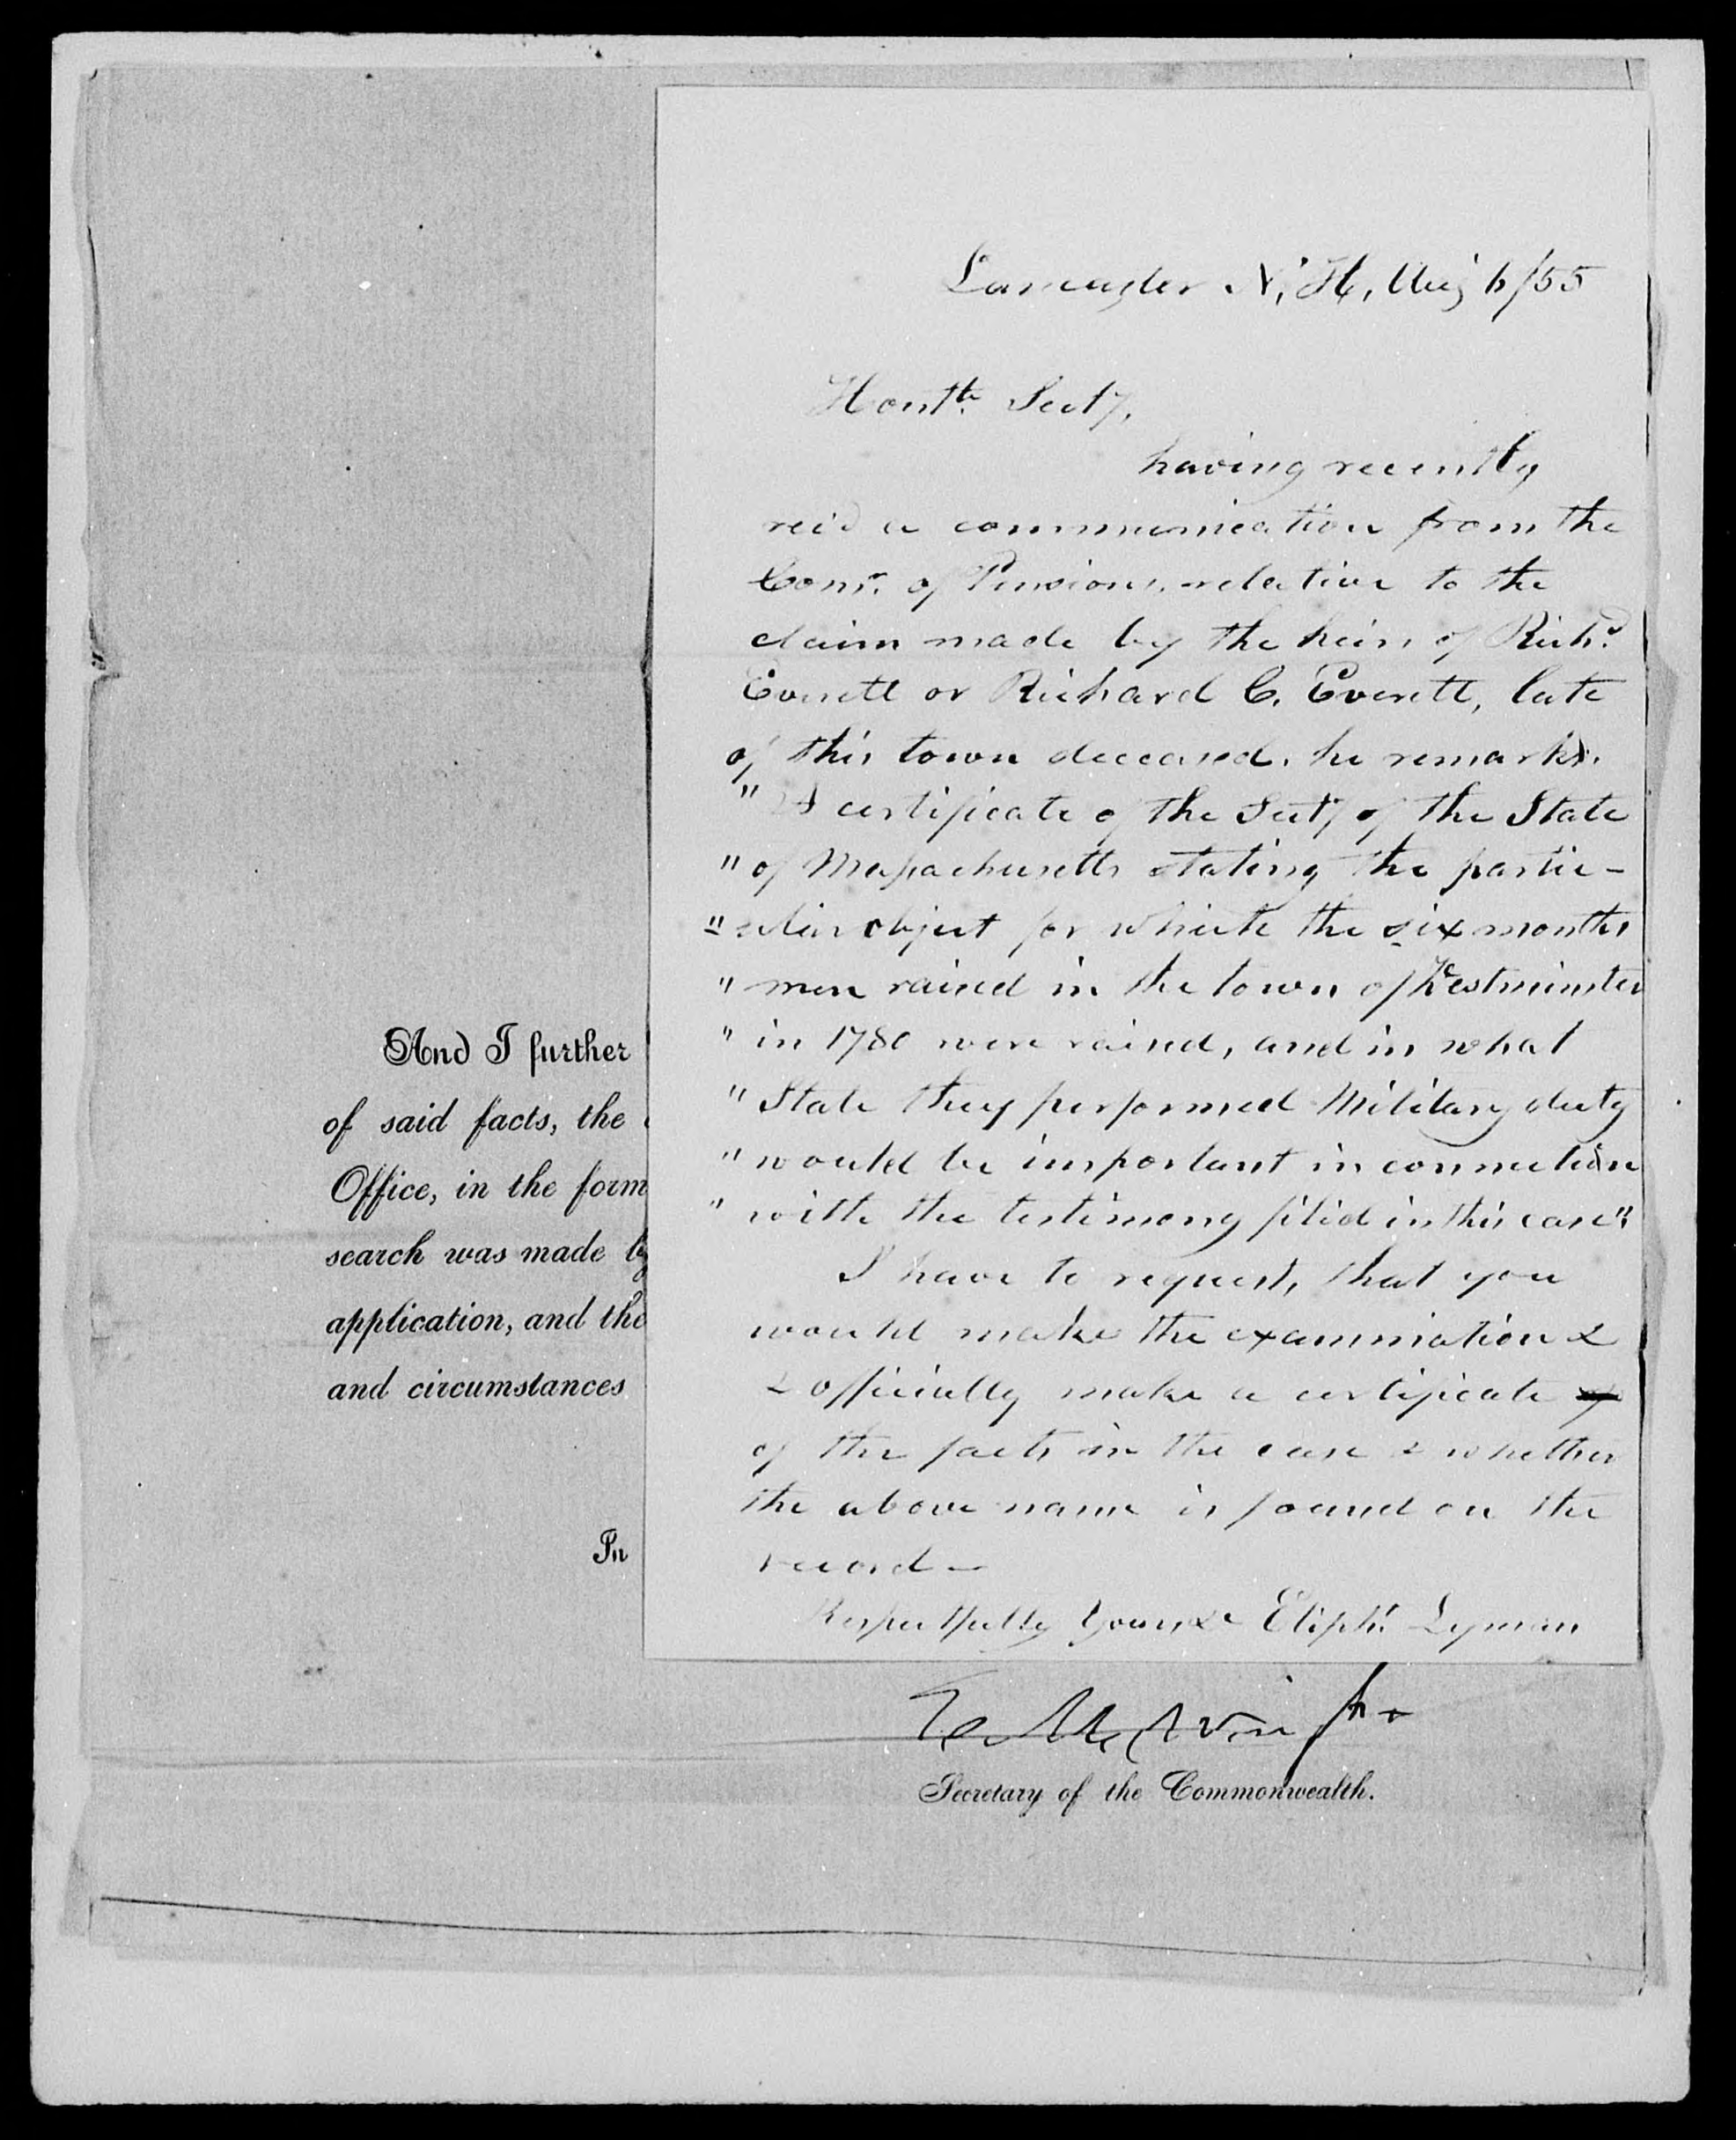[top letter only]

Lancaster, N.H. May 6th/55

Honrd Secty,
having recently recd a communication from the Com of Pensions, relation to the claim made by the heirs of Rich.d Everett or Richard C. Everett, late of this town deceased, he remarks "A certificate of the Sect of the State of Massachusetts stating the particular object for which the six months men raised in the town of Westminster in 1780 were raised, and in what State they performed Military duty would be important in connection with the testimony filed in this case. I have to request, that you would make the examination & officially make a certificate of the facts in the case & whether the above name is found on the record- 
Respectfully Your Eliph. Lyman (signature)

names: Richd Everett, Elipht Lyman, Richard C Everett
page: 55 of 59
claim: widow's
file: W. 23017, Richard Clair Everett, Mass.